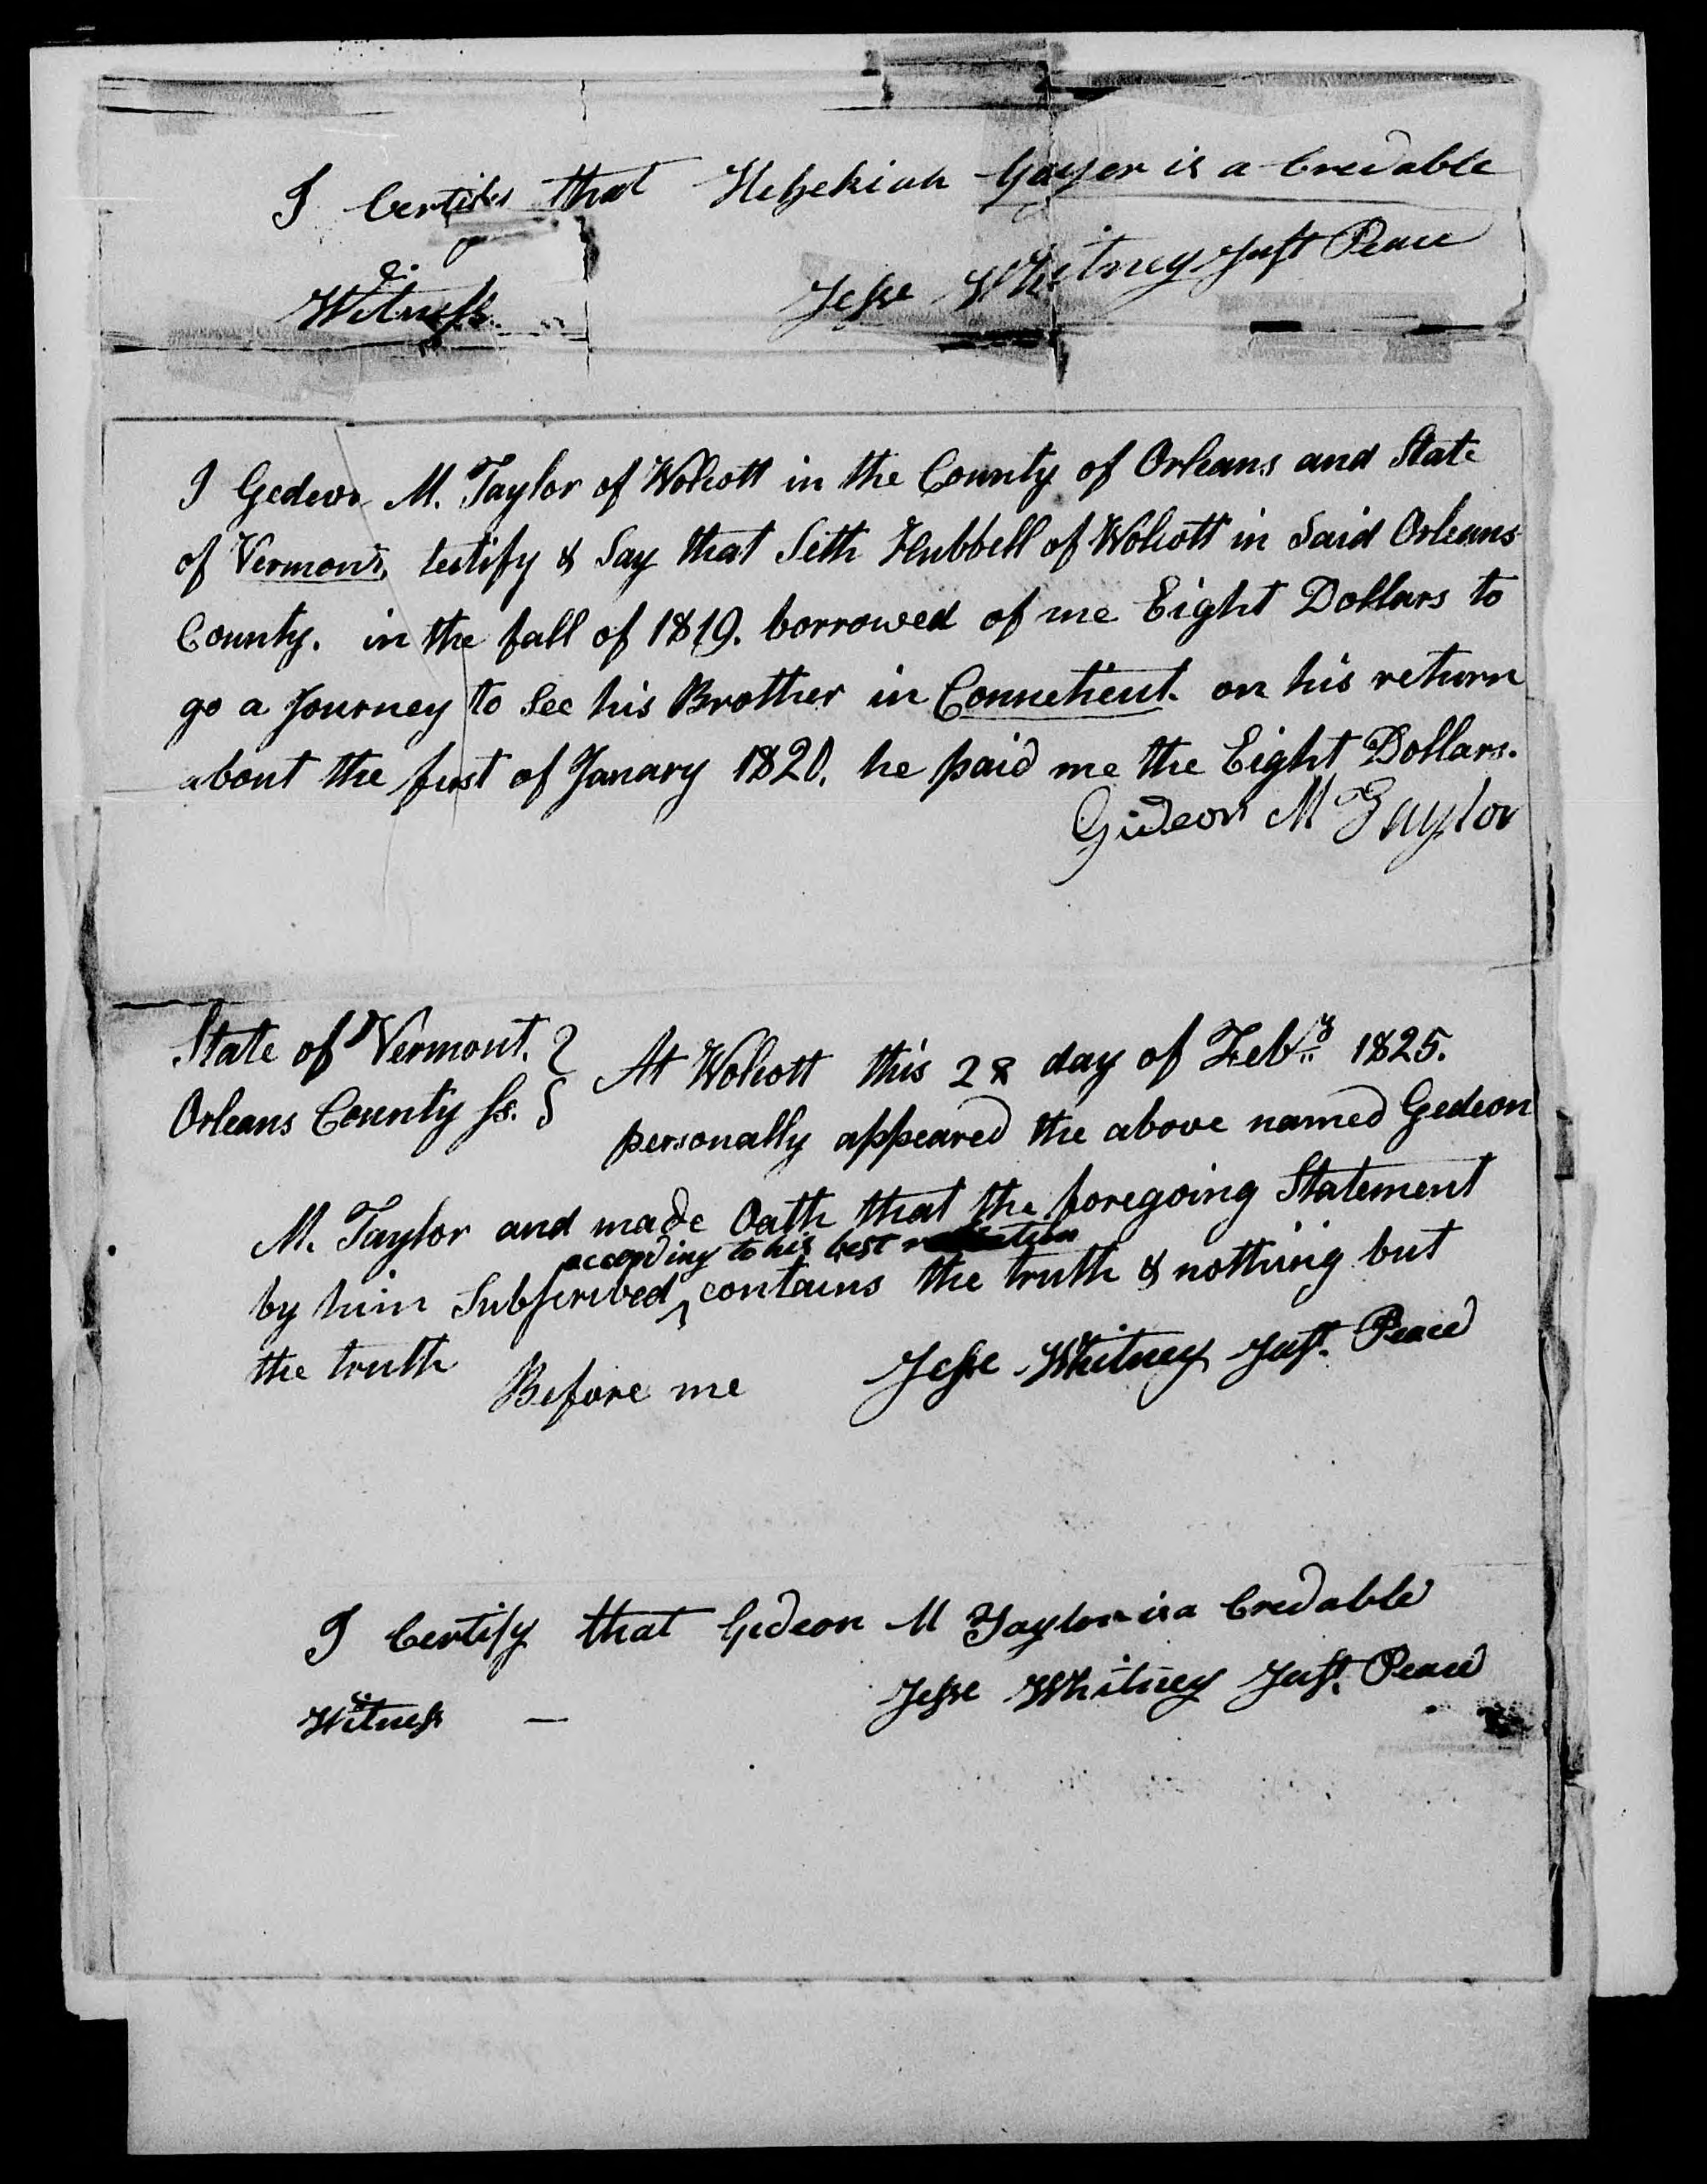State of Vermont. Orleons County fs.

At Holiott this 28 day of Feb..y 1825. personally appeared the above named Gedeon M. Taylor and made Oath that the foregoing Statement by him subscribed contains the truth of nothing but the truth Before me
Jesse Whitney Just. Peace


I certify that Hezekiah Guyer is a credible witness. Jesse Whitney [Unintelligible] Peace


I Gedeon M. Taylor of Holliot in this County of Orleans and State of Vermont, testify to say that Seth Hubbell of Holiott in said Orleans County. in the half of 1819. borrowed of me Eight Dollars to go a journey to see his Brother in Conneticut. on his  return about the first of Janary 1820, he paid me the Eight Dllars. Gideon M Taylor

State of Vermont. Orleons County Fs.
At Holiott this 28 day of Feb..y 1825. personally appeared the above named Gedeon M. Taylor and made oath that the foregoing Statement by him accompying to his best [Uninteligible] by him Subscribed contains the truth of nothing but the truth.
Before me Jesse Whitney, Seth Hubbell

I testify that Gedeon M Taylor ci [is] a credible Witness - Jesse Whitney Gul! Peace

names: Gedeon M Taylor, Hezekiah Guyer, Jesse Whitney, Seth Hubbell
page: 101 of 114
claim: widow's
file: W. 2115, Seth Hubbell, Conn.